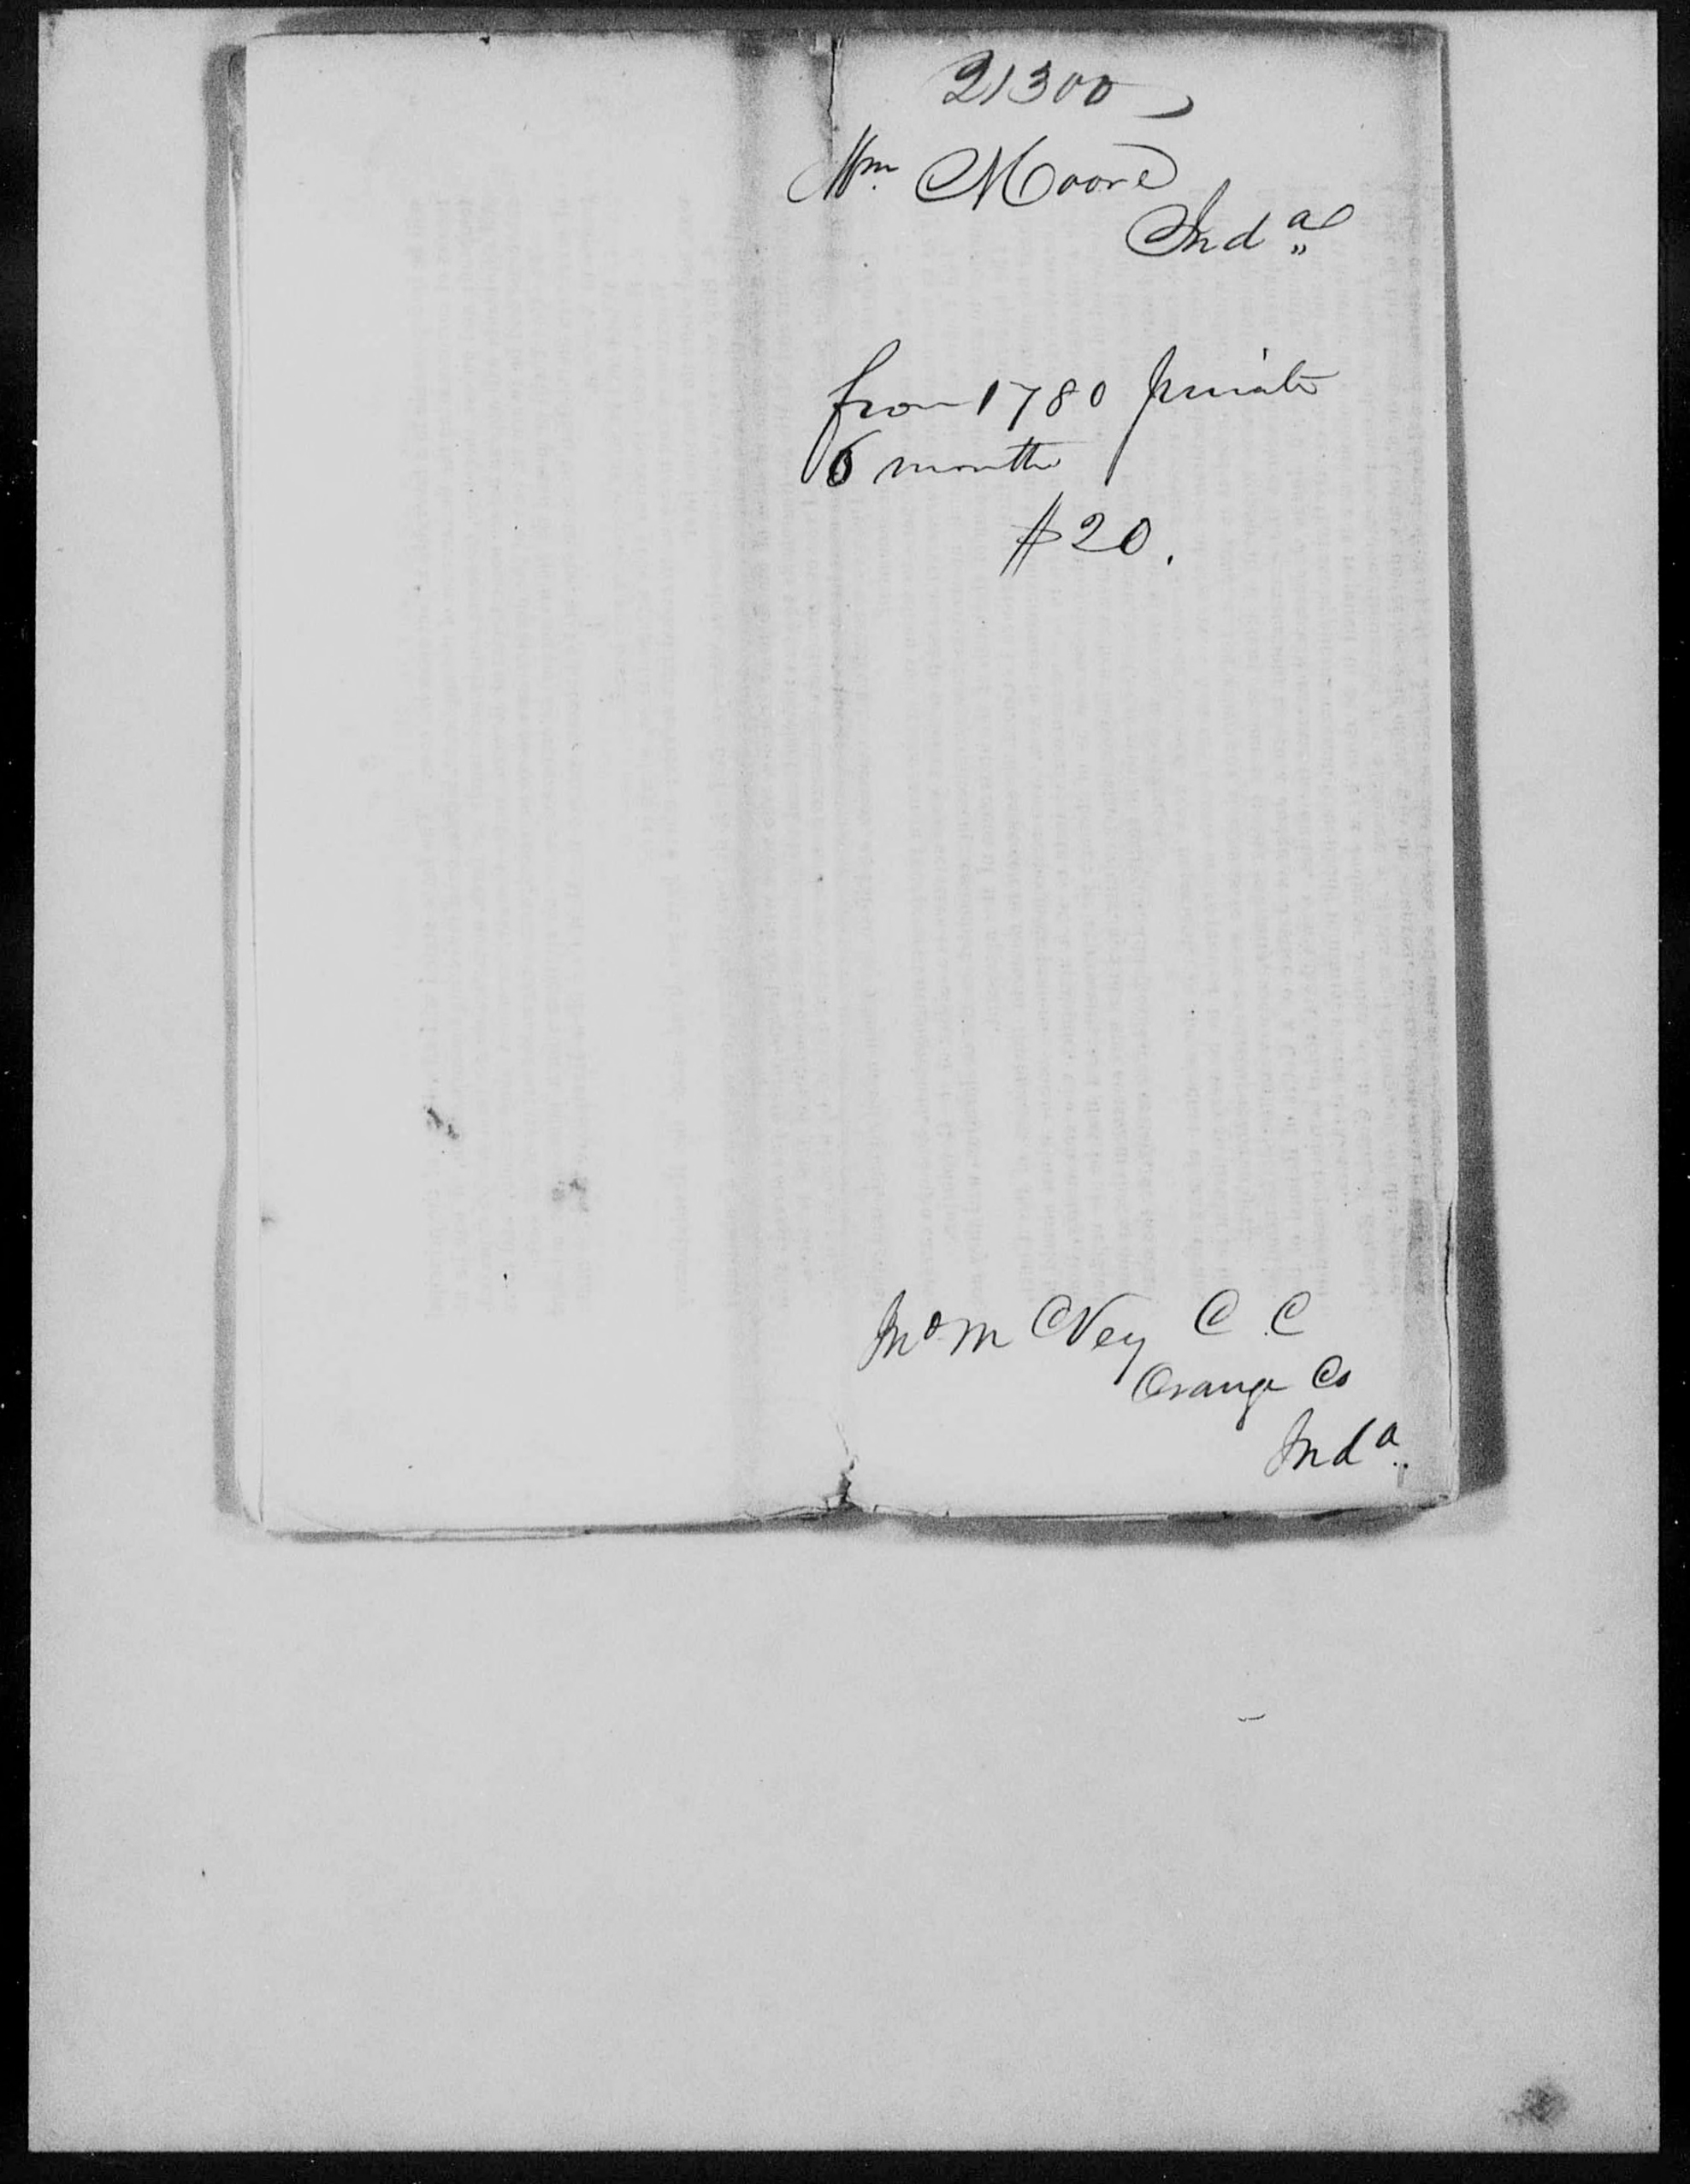21300
Wm. Moore
Indiana

from 1780 private
6 month
$20.

Jno McVey CC
Orange Co. Indiana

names: Jno Mc Vey; Wm Moore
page: 7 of 16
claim: survivor's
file: S. 17,592, for William Moore, North Carolina